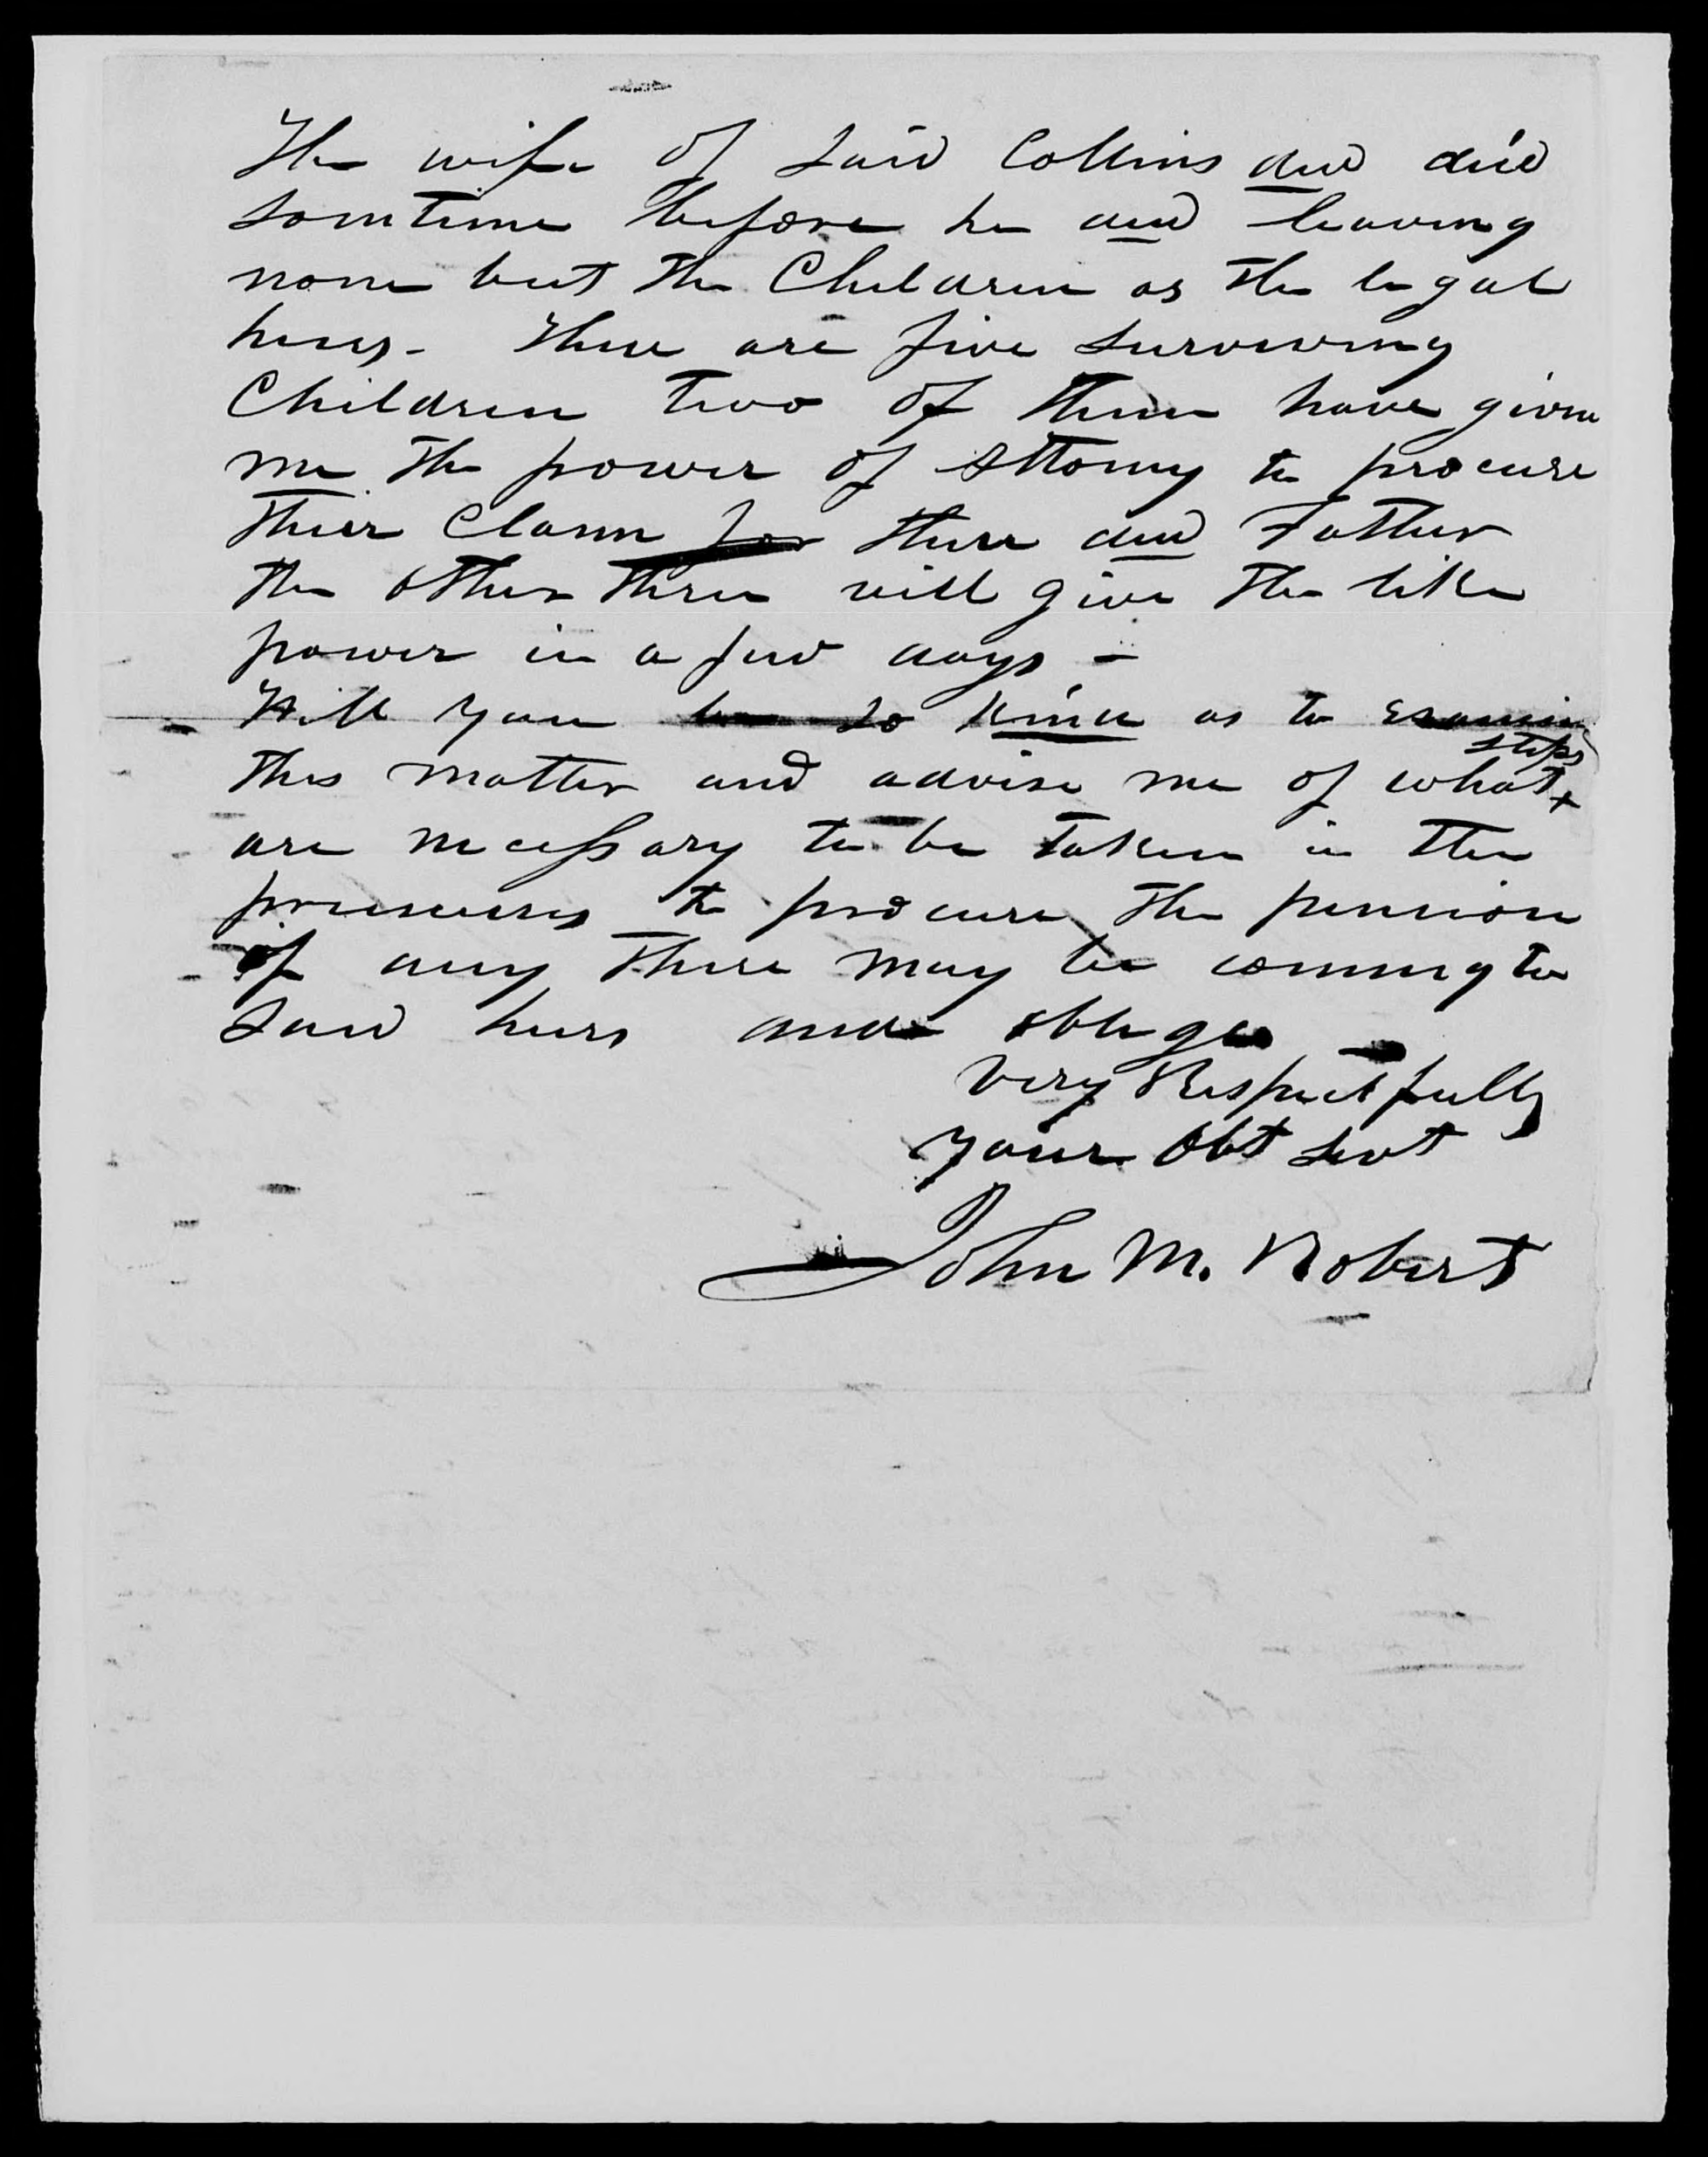The wife of said Collins and died
Som time before he and leaving
non but the children as the legal
heirs-  There are five surviving
Children two of them have given
me the power of attorney to procure
their claim [illegible] Father
the other three will give the like
power in a few days-

Will you be so kind as to examine
this matter and advise me of what steps
are necessary to be taken in the process   to procure the pension
- if any there may be coming to
I am yours and obliged

Very Respectfully
your obt svt
John M. Robert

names: John M Robert, Collins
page: 23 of 48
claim: rejected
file: R. 2173, James P Collins, S. C.